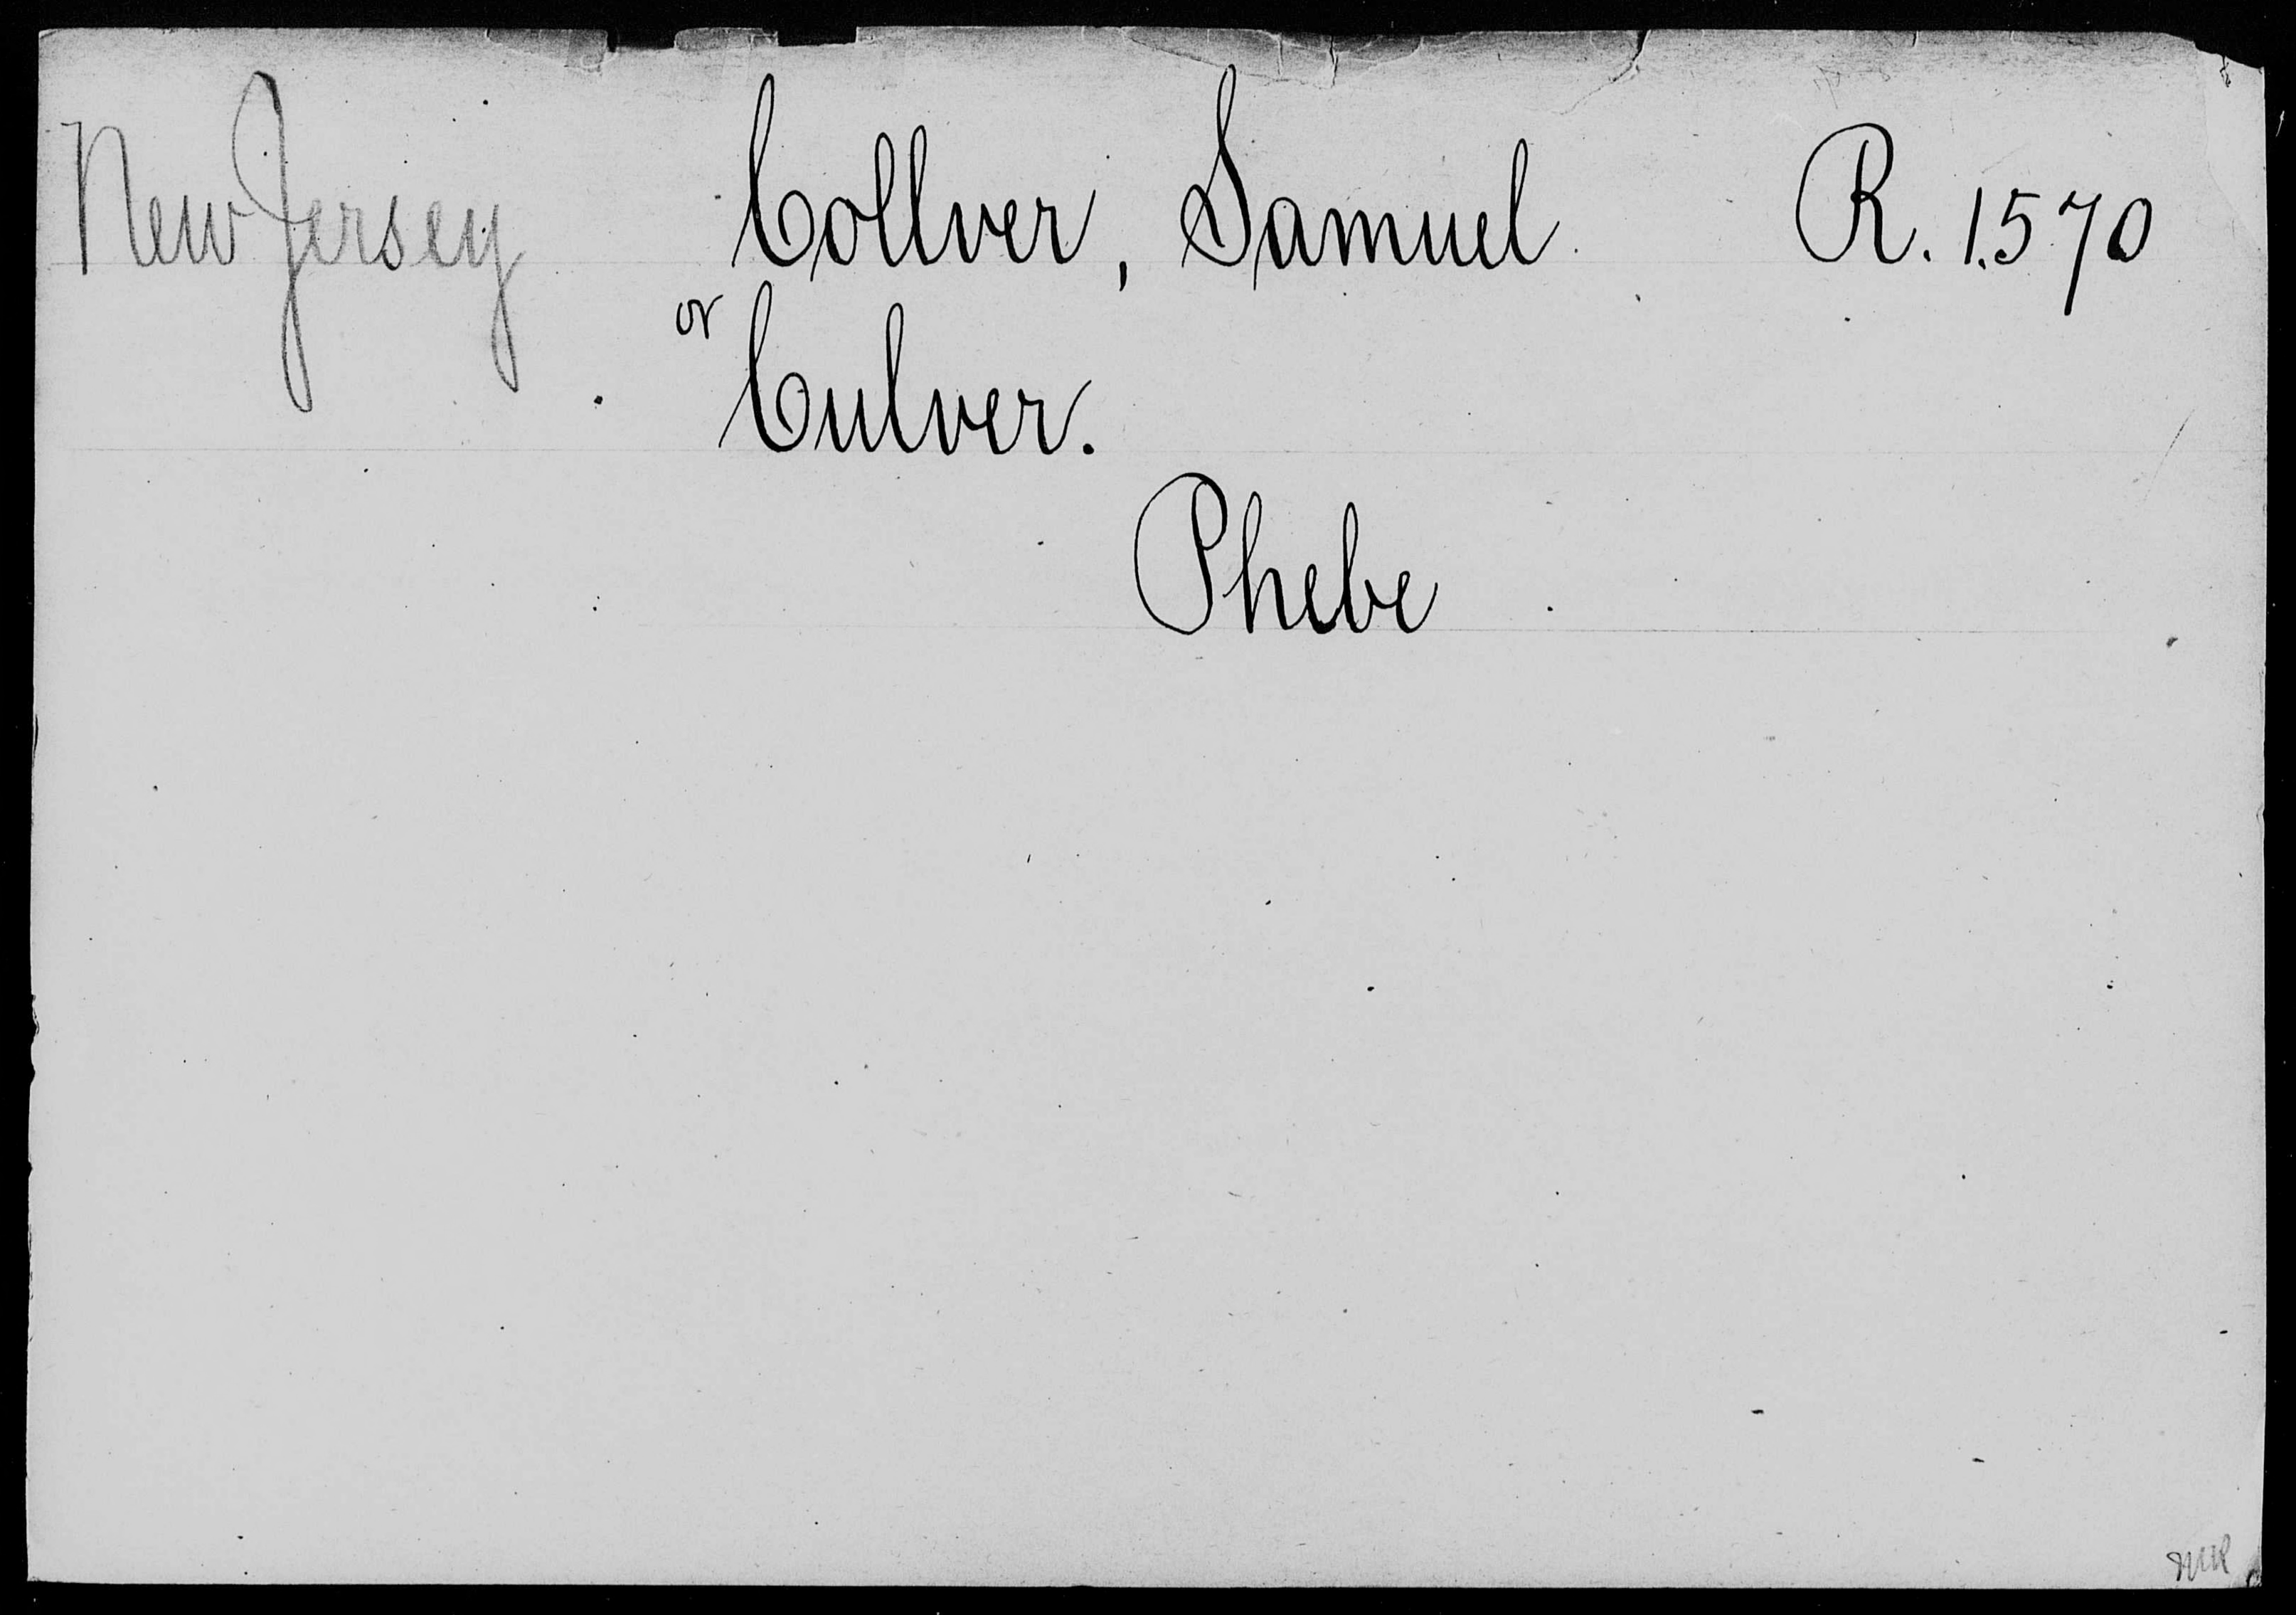New Jersey

Collver, Samuel.                       R1570
or Culver
      Phebe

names: Samuel Culver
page: 1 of 2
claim: rejected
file: R. 1,570, Samuel Collver, New Jersey